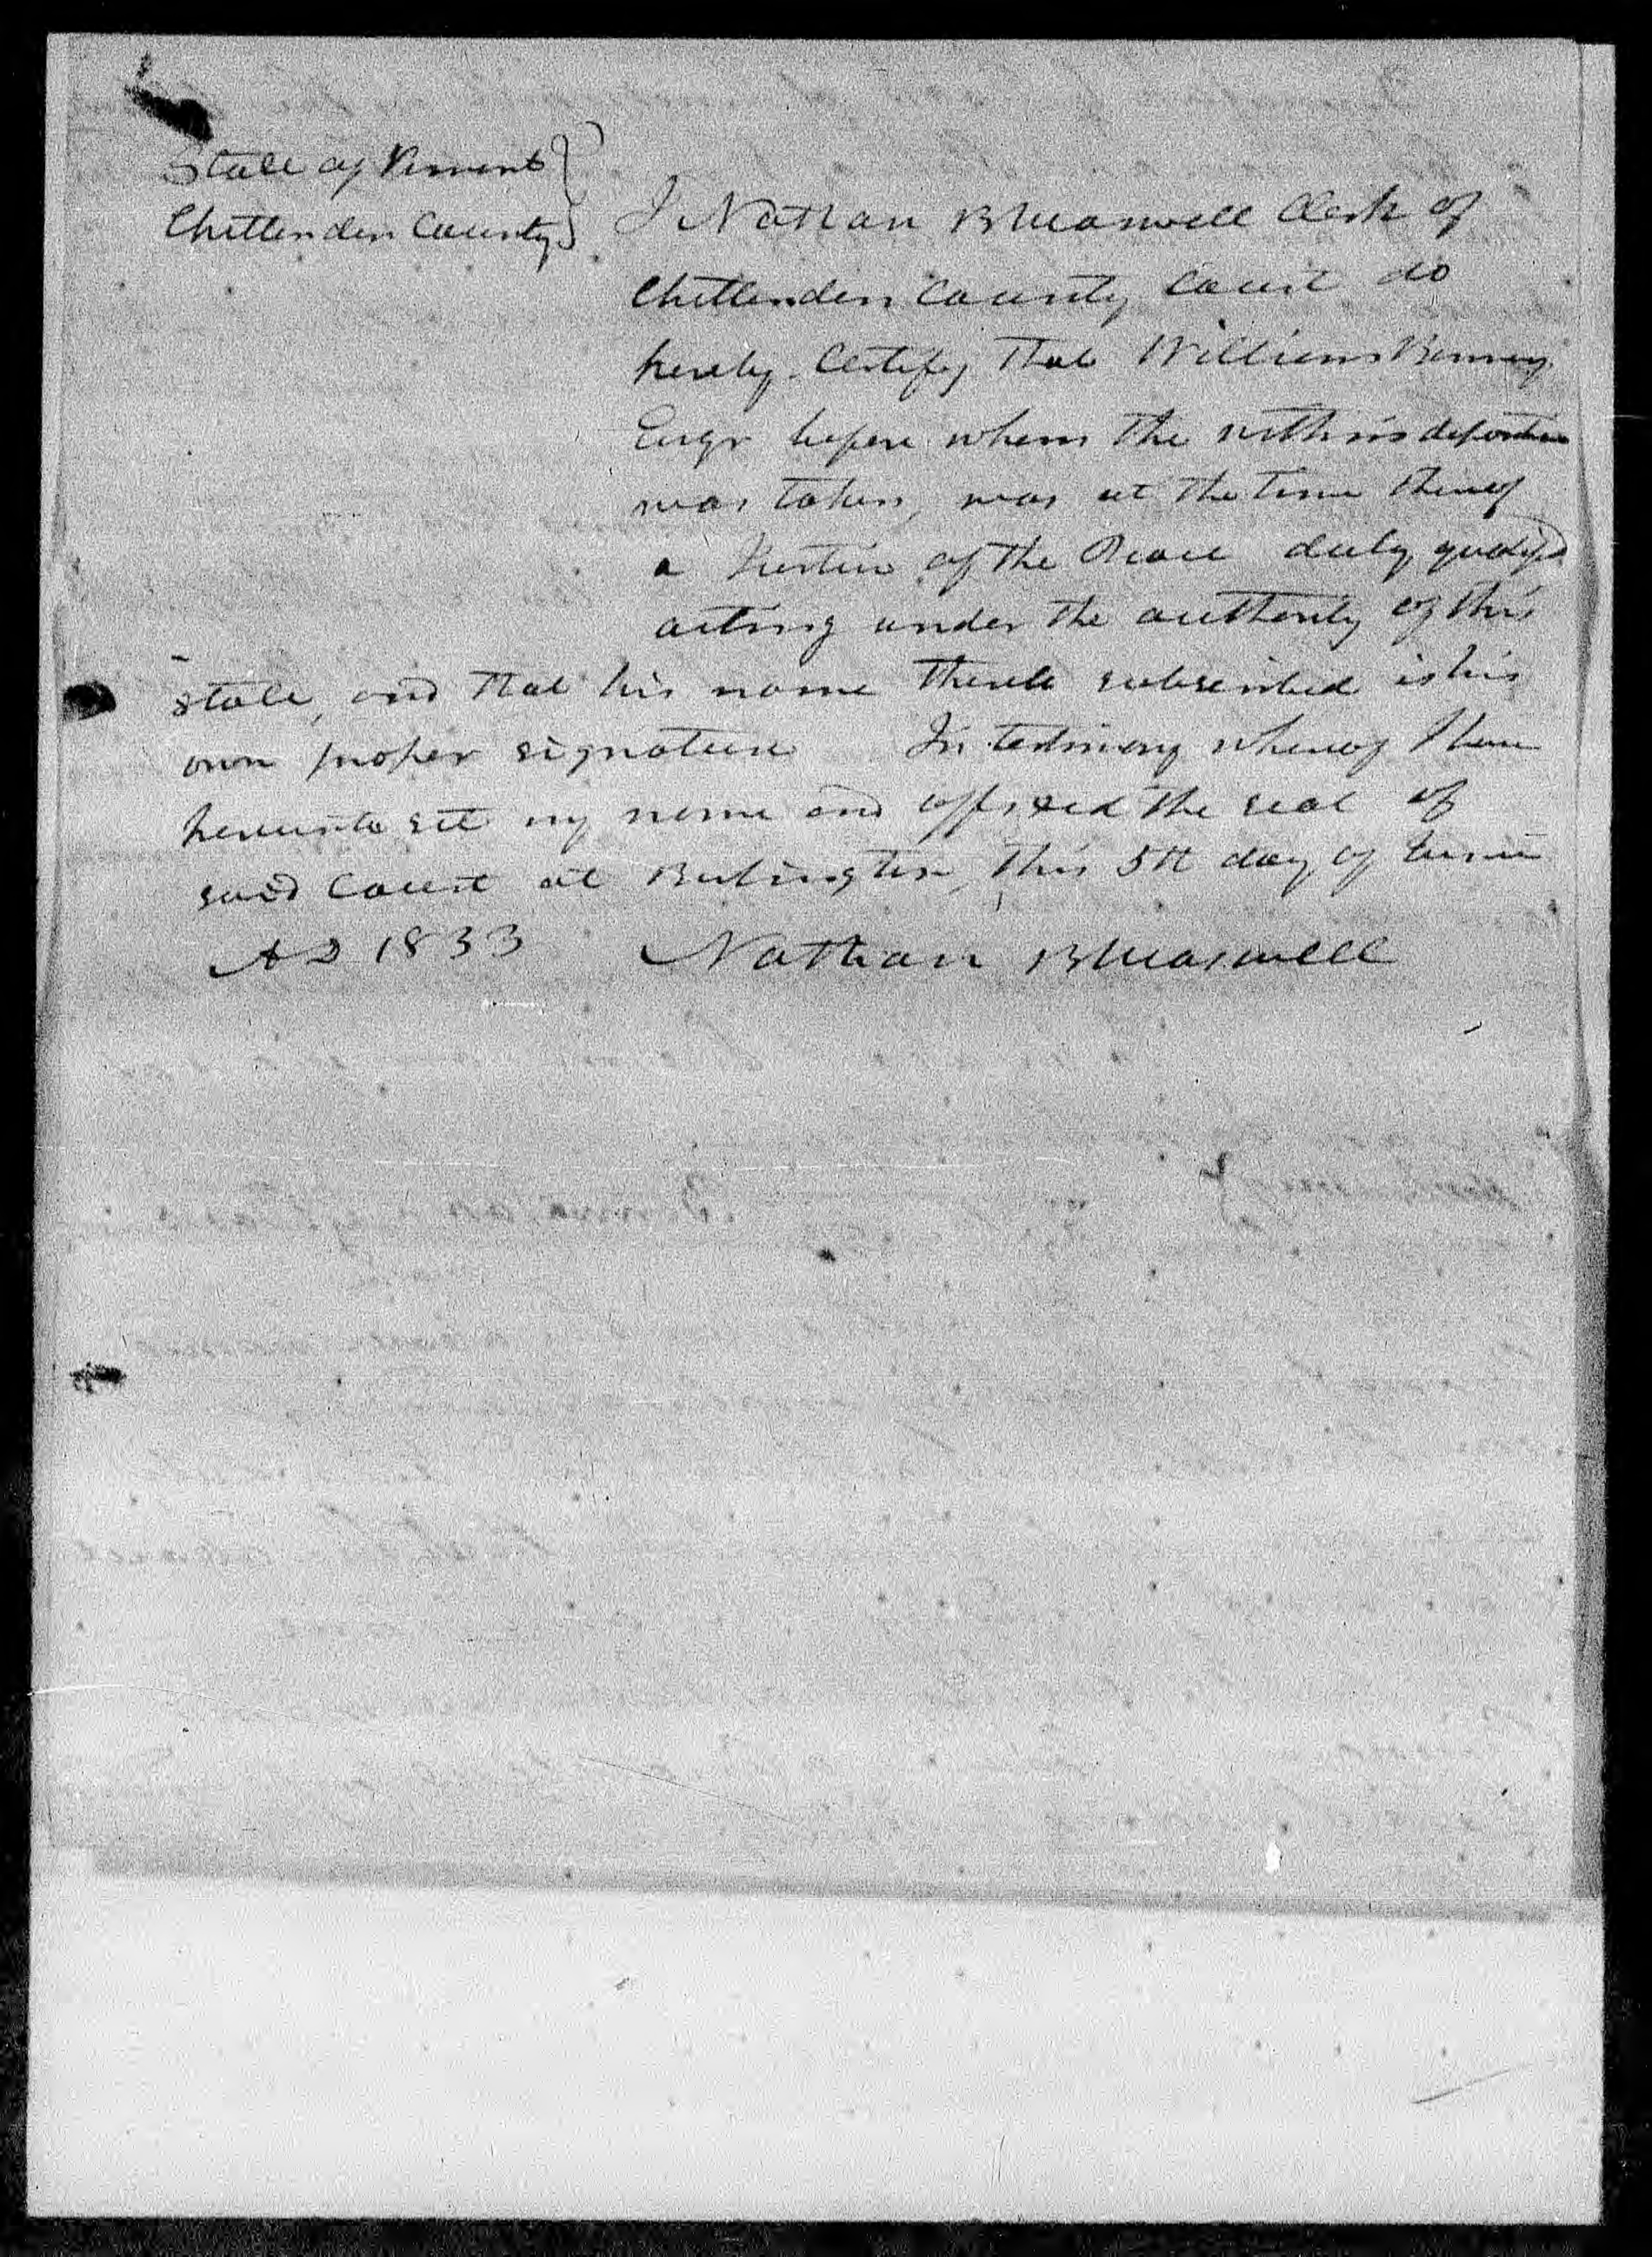State of Vermont
Chittenden County
I, Nathan B. Maswell
Chittenden County Court
hereby certify that William Berney 
Esquire before whom the within deposition 
was taken at the time thereof
A justice of the Peace duly qualified 
acting under the authority of this
state and that his name thereto subscribed is his
own proper signature. In testimony whereof I have
hereunto set my name and affixed the seal
of
said Court
at Burlington this 5th day of June AD
1833
Nathan B. Maswell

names: William Berney, Nathan B Maswell, Nathan B Maswell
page: 14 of 24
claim: survivor's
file: S. 15869, Chauncey Graves, Vt.